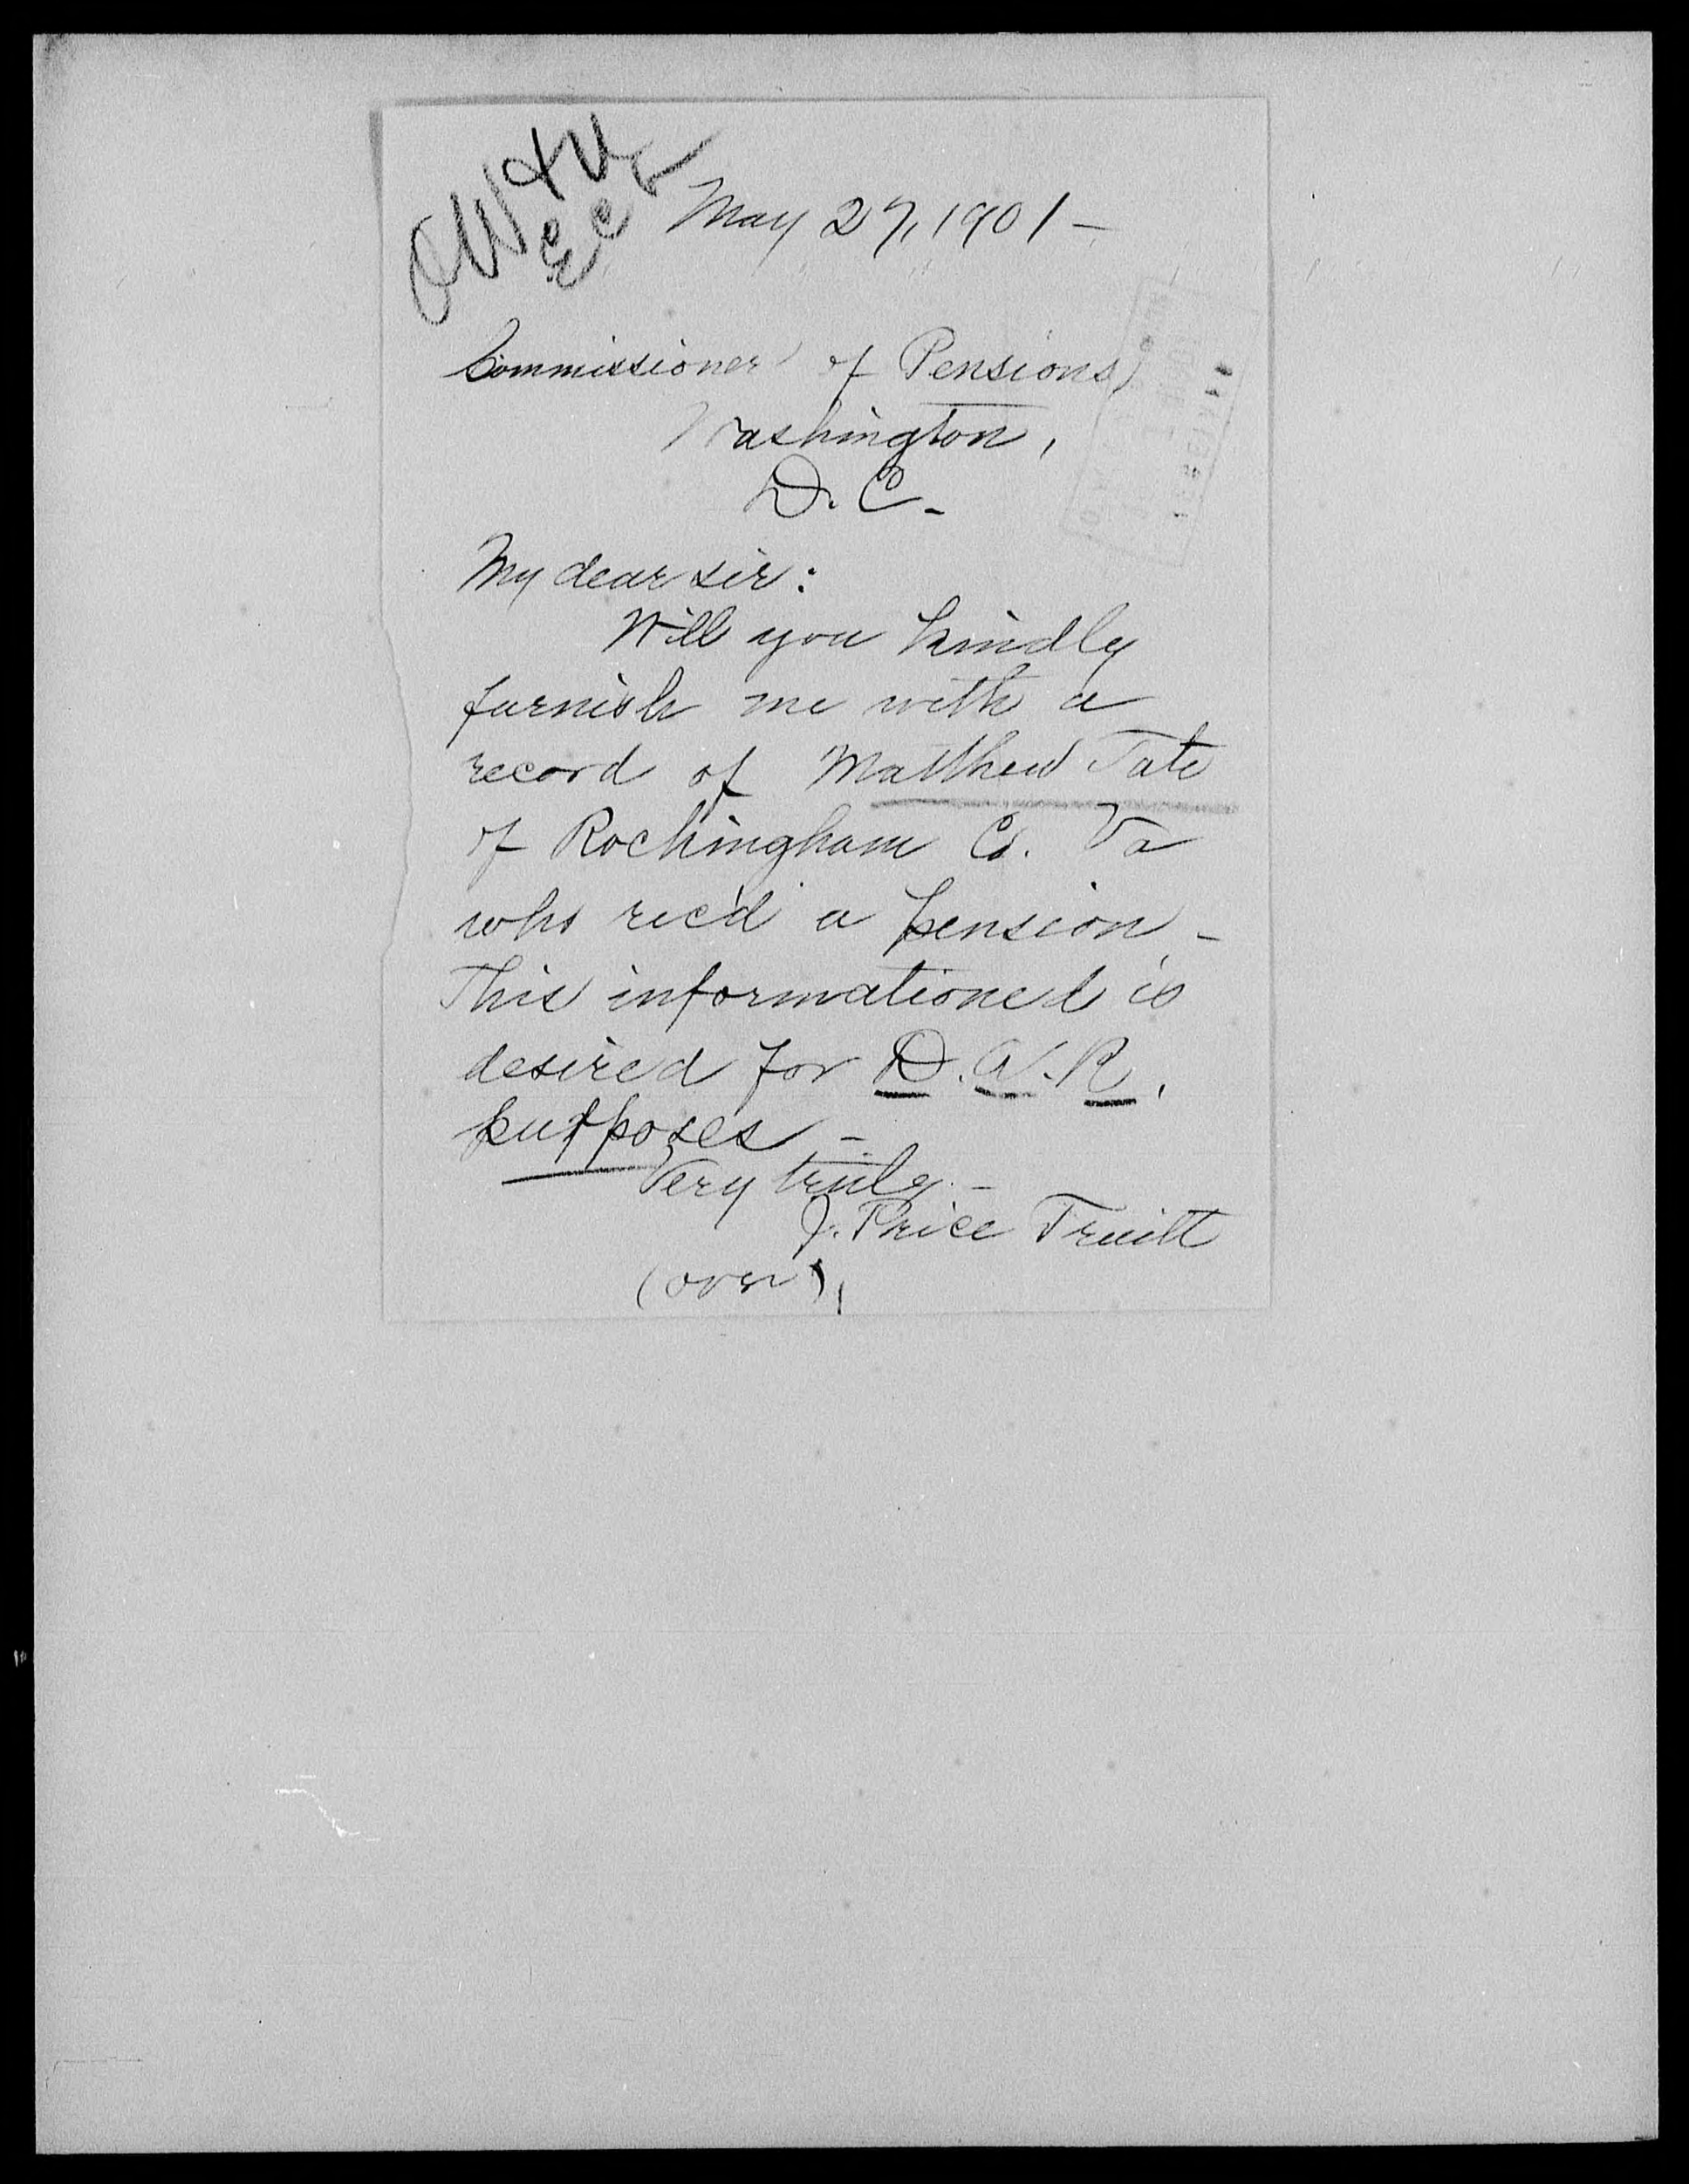OWTU. ECL
May 27,1901
Commissioner of Pensions
Washington
D.C.
My dear sir:
Will you kindly
furnish me with a
record of Matthew Tate
of Rockingham Co. Va.
who recd a pension -
This informationed is 
desired for D.A.R
purposes-
Very truly,
J. Price Truitt
(over)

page: 11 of 18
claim: survivor's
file: S. 11,508, for Mathew Tate, Virginia